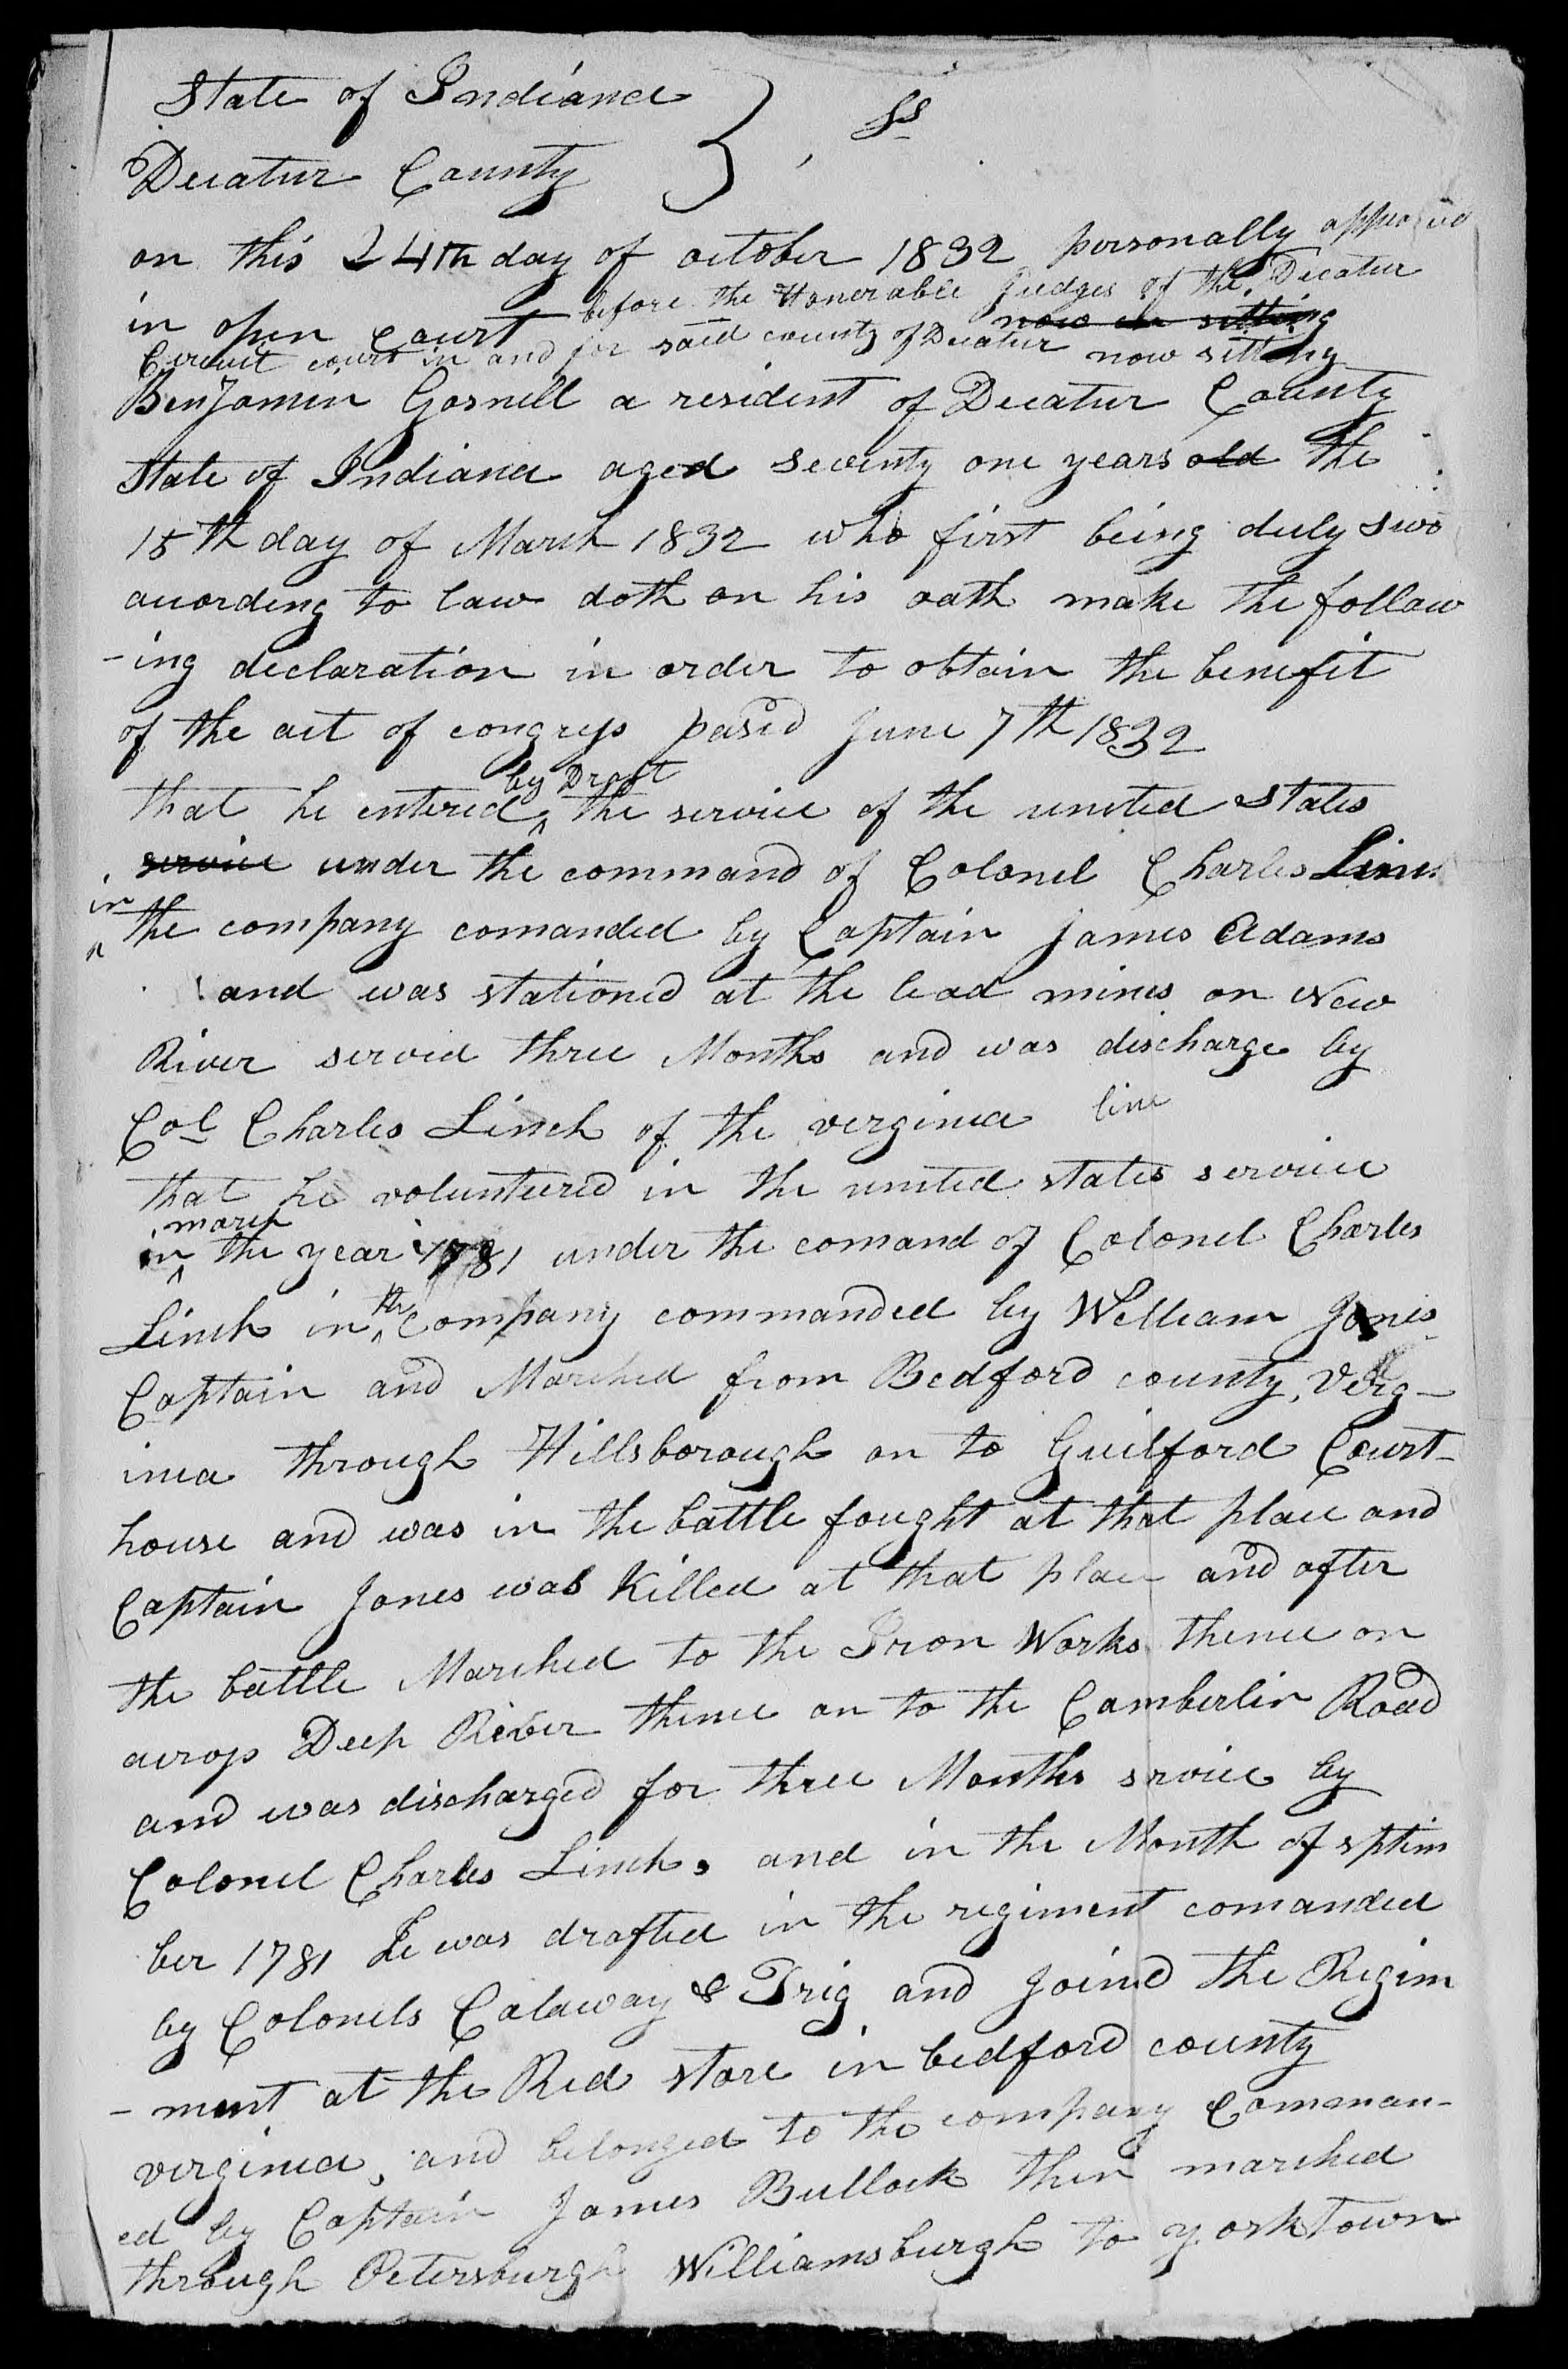State of Indiana
Decatur County} Ss
on this 24th day of October 1832 personally appeared in open court
before the Honorable Judges of the Decatur  Circuit court in and for said county of Decatur now sitting ["now the sitting" is crossed out] Benjamin Gosnell a resident Decatur County State of Indiana aged seventy one years old [old crossed out] the 15th day of March 1832 who first being duly sworn according to law doth on his oath make the following declaration in order to obtain the benefit of the act of congress pased [passed] June 7th 1832

that he entered by Draft the service of the united States ['service' crossed out] under the command of Colonel Charles Linch [Lynch] in the company comanded [commanded] by Captain James Adams and was stationed at the lead mines on New River served three Months and was discharge by Colonel Charles Linch of the virginia line

that he volunteered in the united States service in march the year 1781 under the comand of Colonel Charles Linch in the company commanded by William Jones Captain and Marched from Bedford county, Virginia through Hillsborough on to Guilford Courthouse and was in the battle fought at that place and Captain Jones was killed at that place and after the battle Marched to the Iron Works thence on across Deep River thence on to the Camberlin Road and was discharged for three Months service by Colonel Charles Linch, and in the Month of septimber 1781 he was drafted in the regiment comanded by Colonels Calaway [Callaway] & Trig [Trigg] and joined the Regiment at the Red store in bedford county virginia, and belonged to the company comananed by Captain James Bullock then marched through Petersburgh Williamsburg to Yorktown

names: Benjamin Gosnell, James Adams, Charles Linch, Calaway, James Bullock, William Jones, Charles Linch, Trig, Jones, Charles Linch, Charles Linch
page: 6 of 39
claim: widow's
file: W. 11060, Benjamin Gosnell, Va.